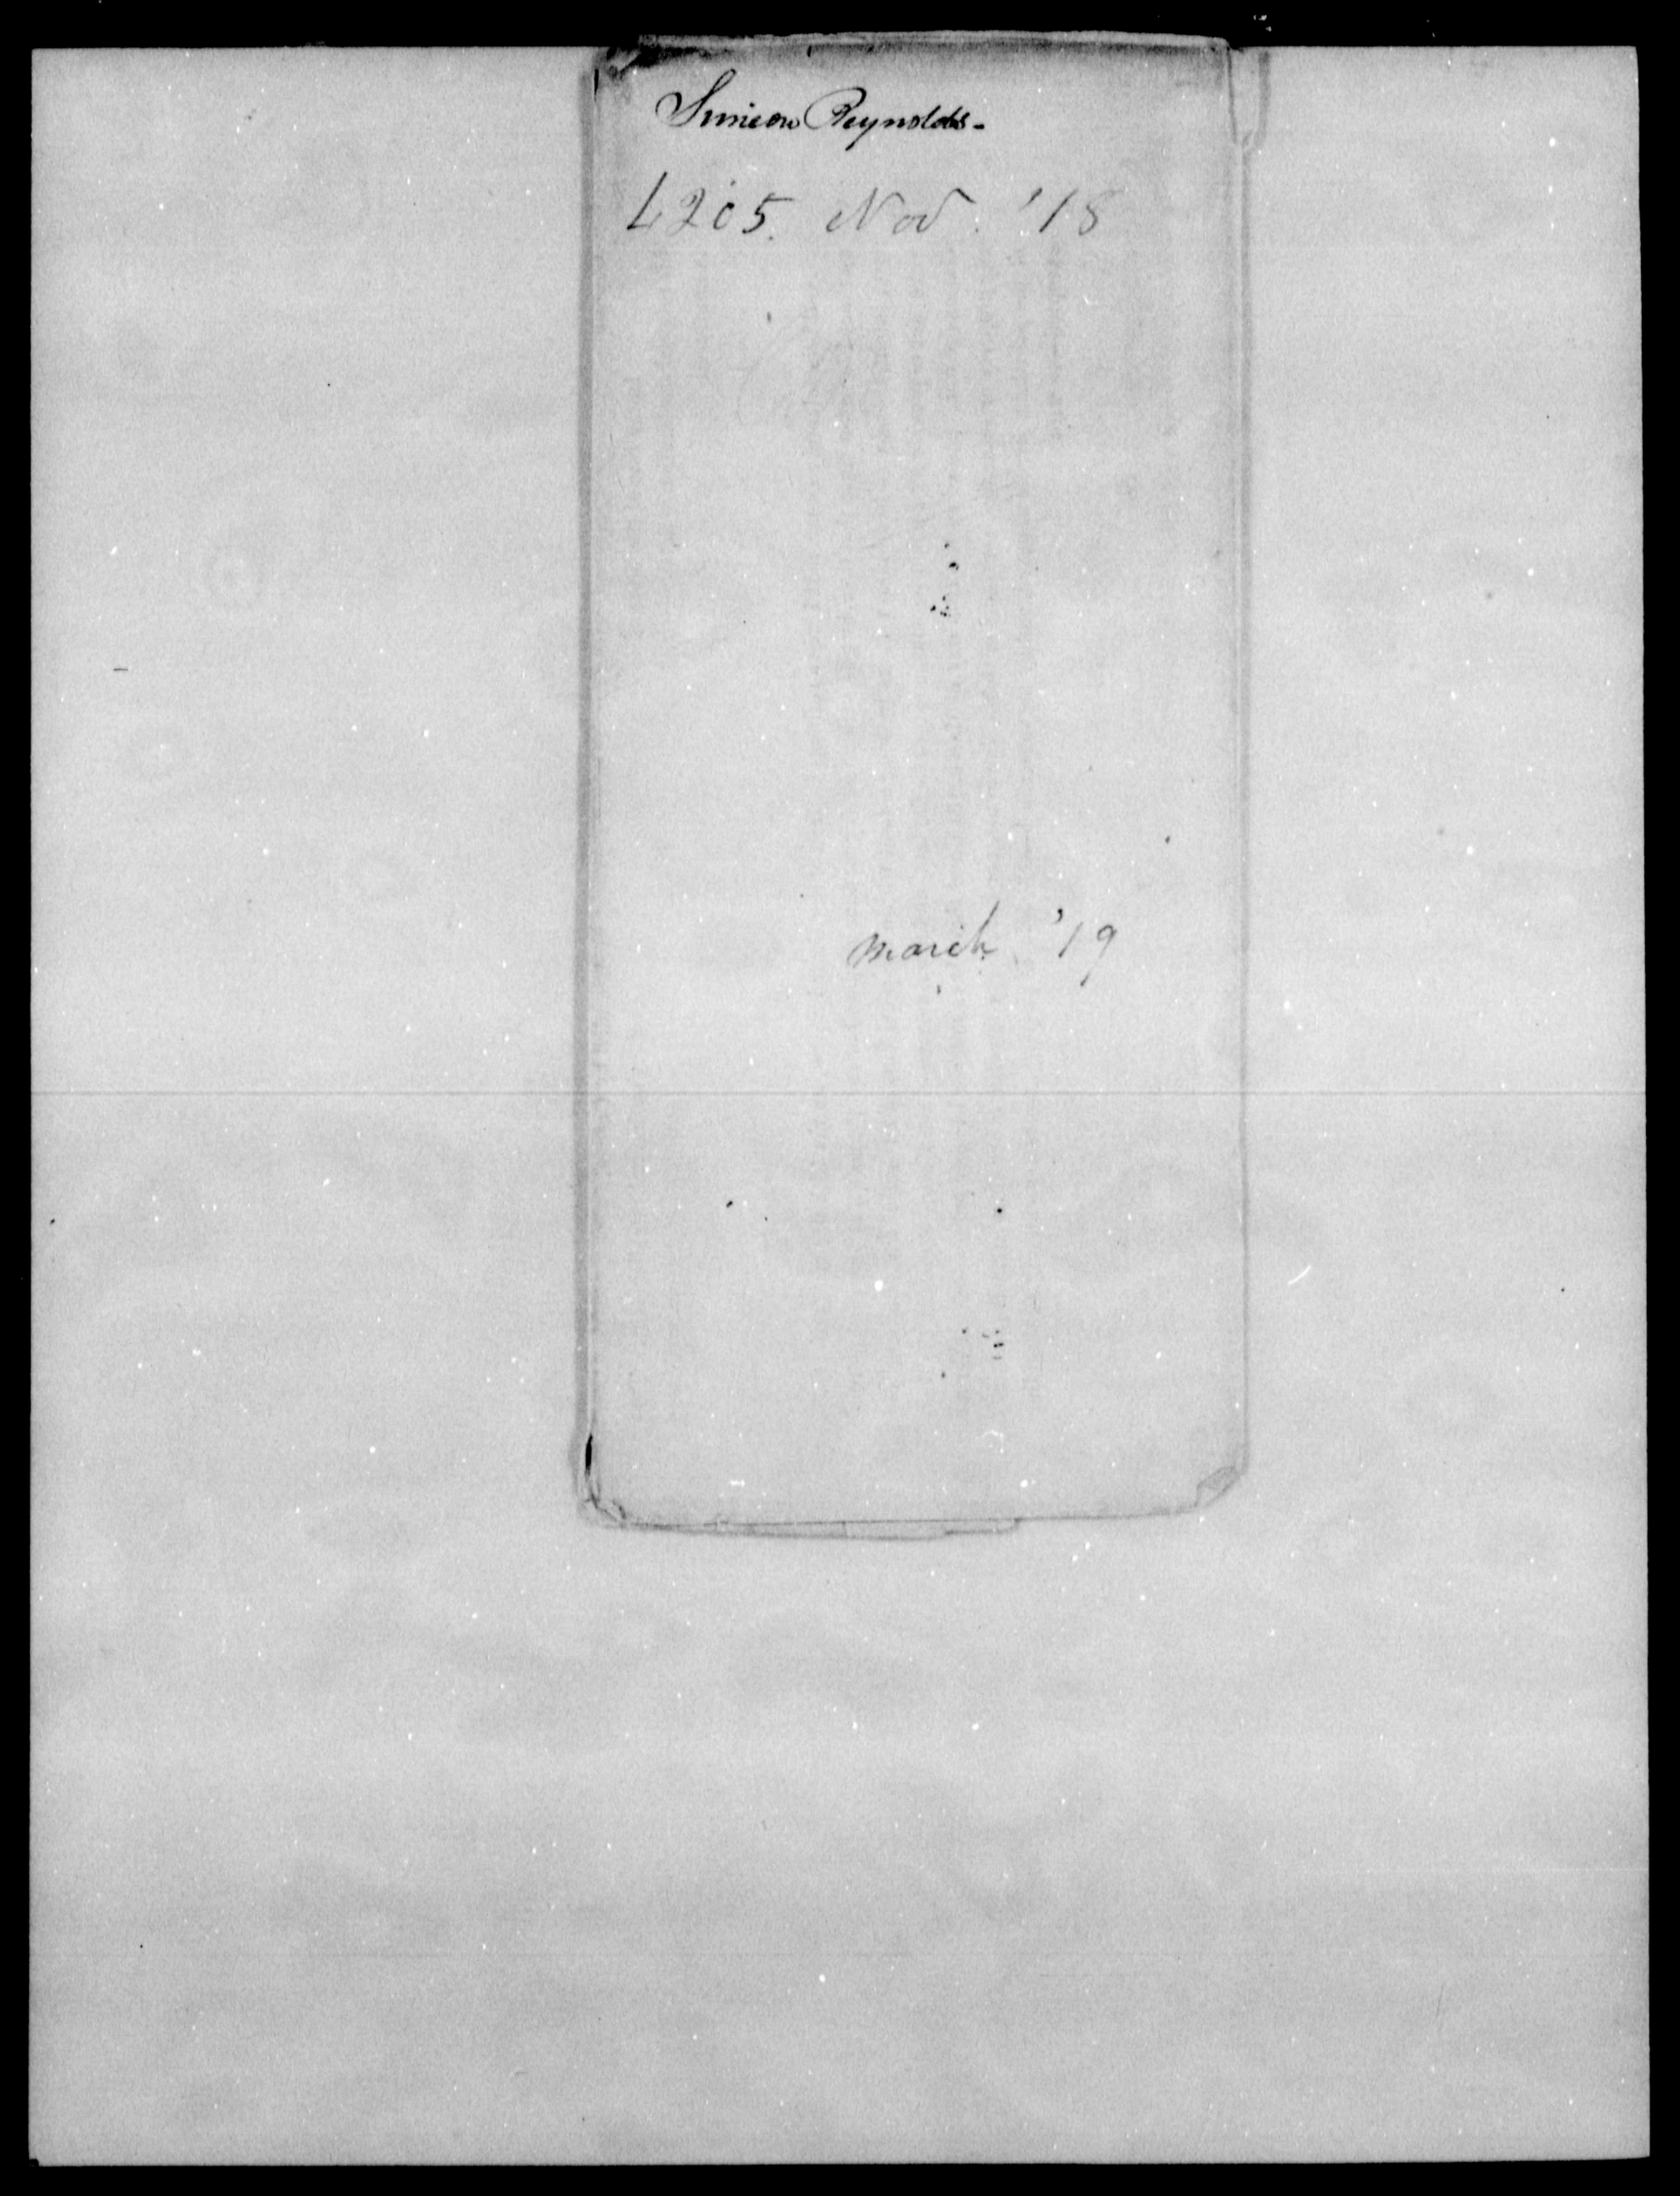Simeon Reynolds
4205 Nov '18


March '19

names: Simeon Reynolds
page: 6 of 20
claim: survivor's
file: S. 41,094, for Simeon Reynolds, Connecticut